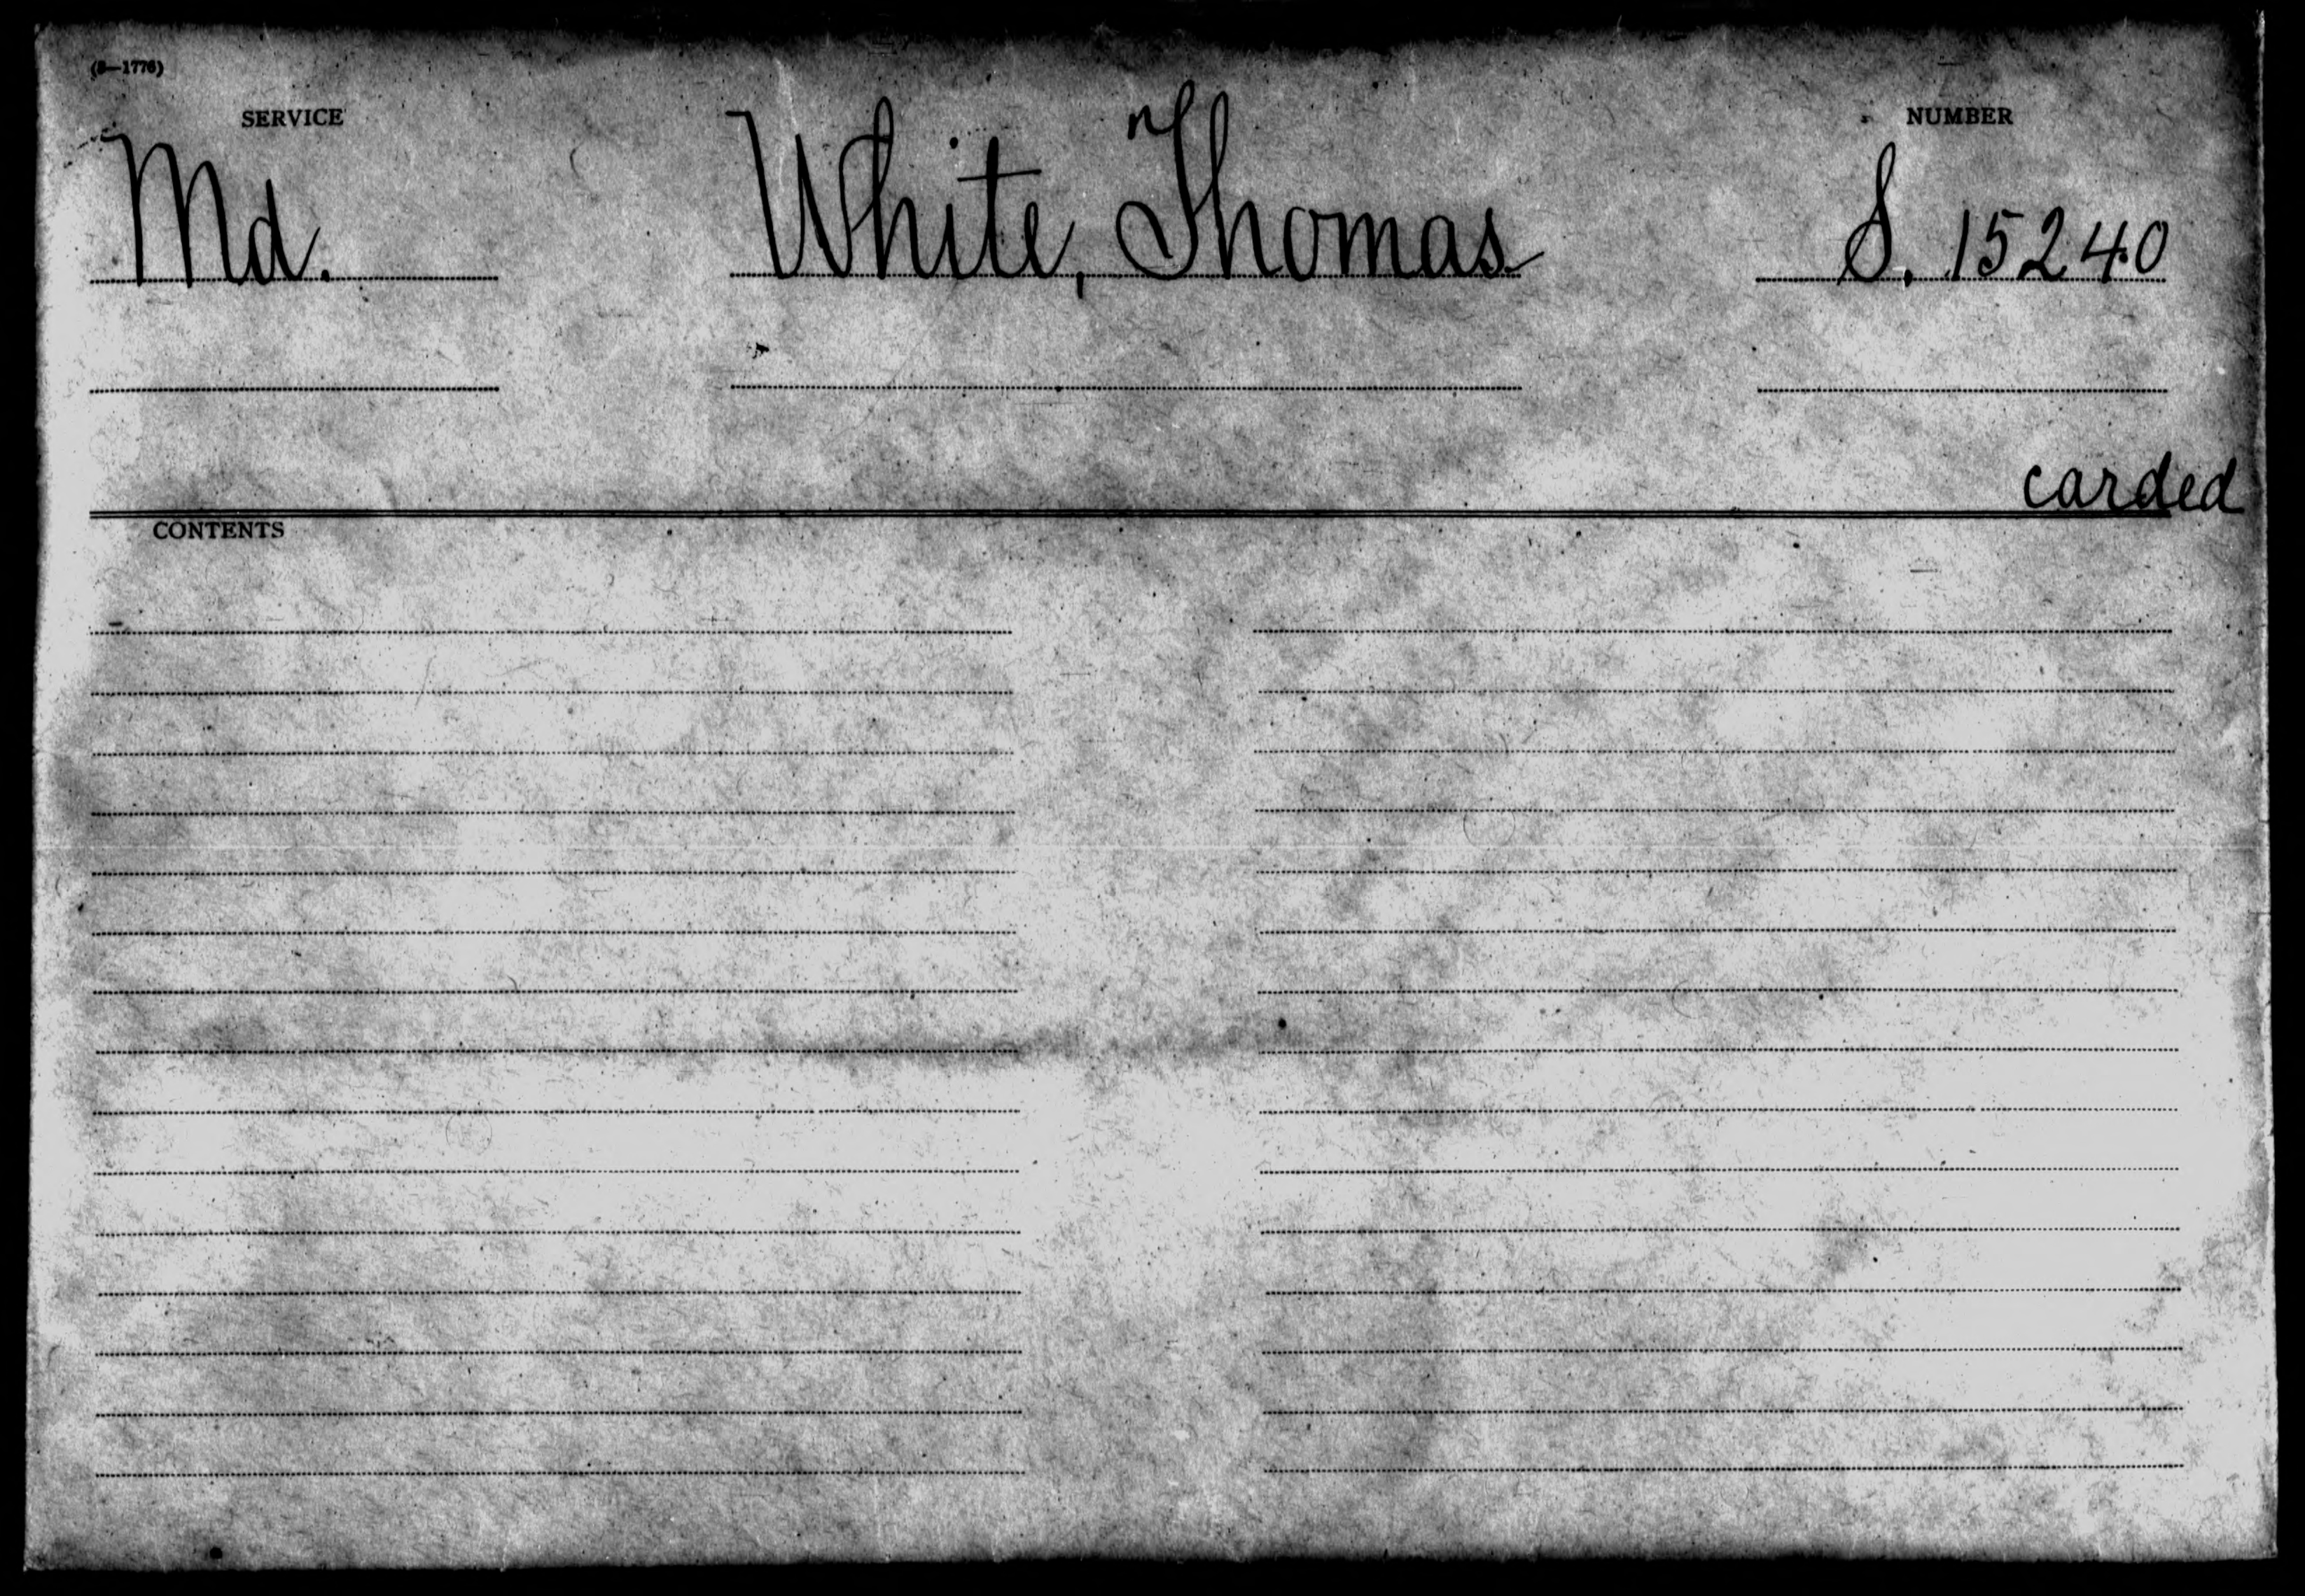[date mo-year] (8-1776)
[Form Heading] SERVICE [Handwritten text] Md. White, Thomas, [Form Heading]NUMBER [Hndwritten text] S. 15240
[Handwritten text, all lower case] carded
[Form Heading of list] CONTENTS [nothing listed on lines below heading]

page: 1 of 43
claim: survivor's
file: S. 15240, Thomas White, Md.